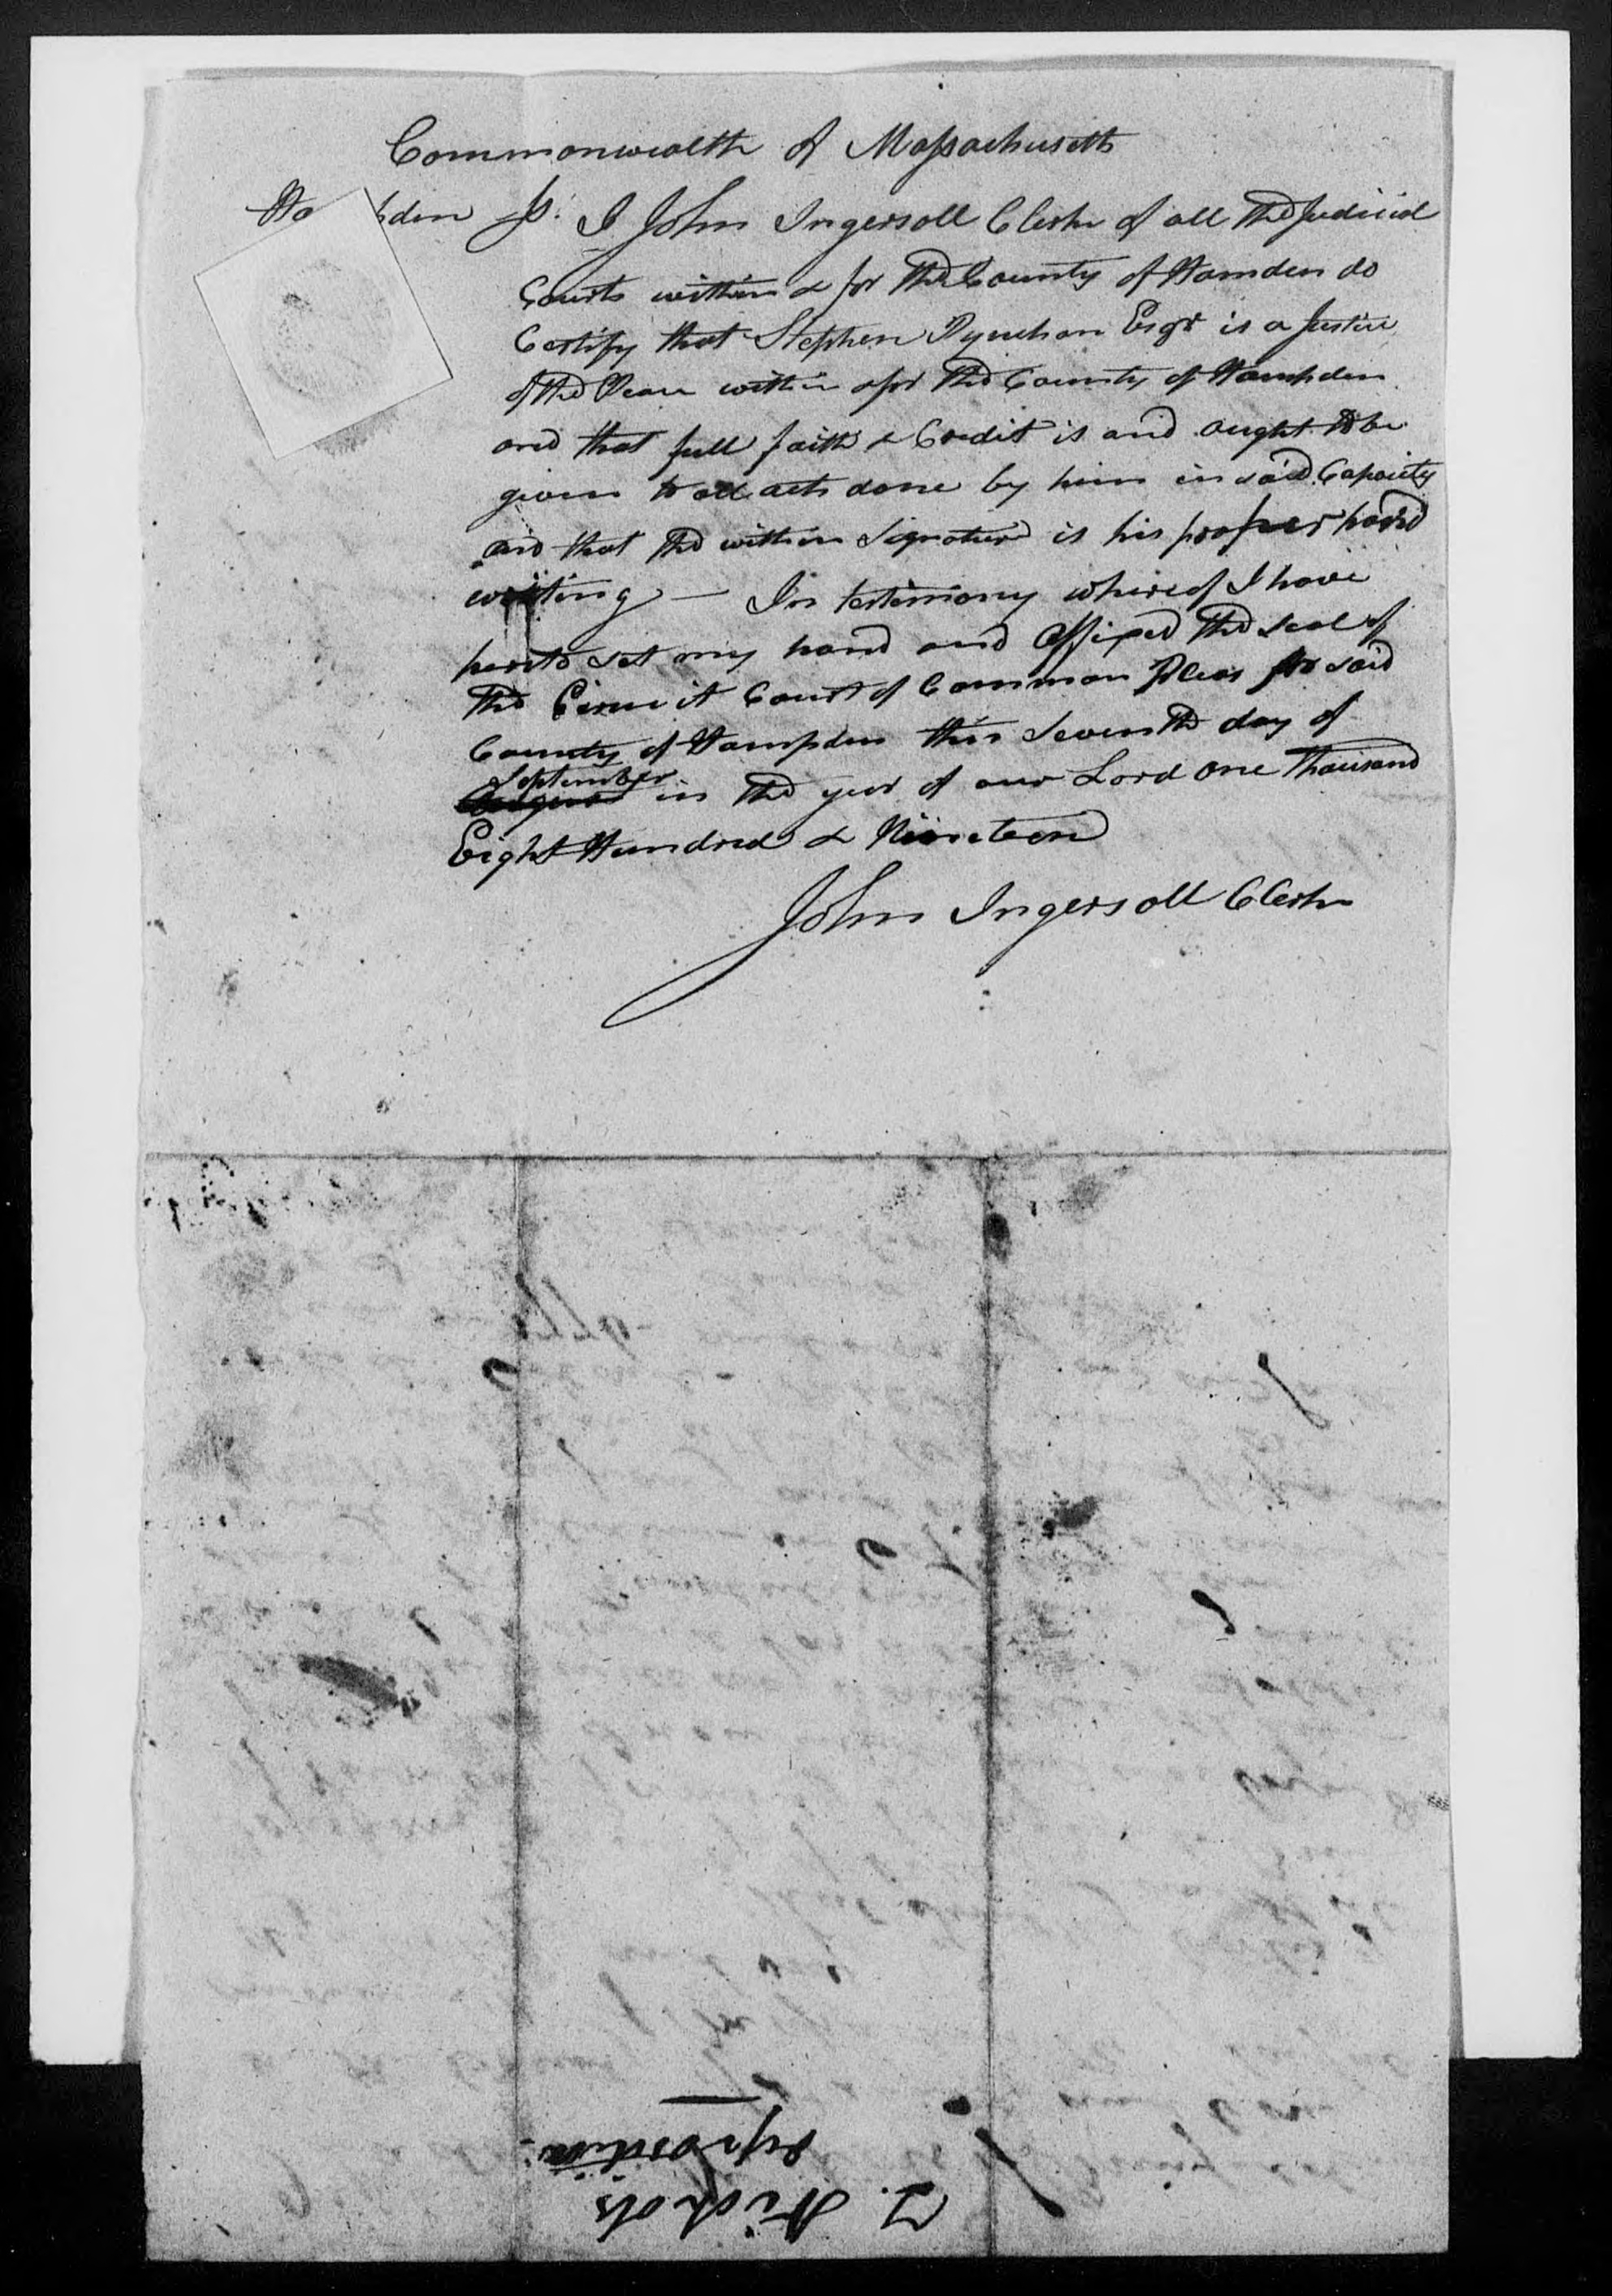Commonwealth of Massachusetts
Hampden Ss
I, John Ingersoll Clerk of all the Judicial
Court within and for the County of Hamden do
Certify that Stephen Pynchan Esquire is a Justice
of the Peace within for the County of Hampden
and that full faith and credit is and ought to be 
given to all acts done by him in said capacity
and that the within signature is his proper hand
writing- In testimony whereof I have
hereto set my hand and affixed the seal of
the Circuit Court of Common Pleas for said
County of Hampton this Seventh day of September
in the year of our Lord one thousand
Eight hundred and Nineteen
John Ingersoll Clerk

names: Stephen Pynchon, John Ingersoll, Z Nichols, John Ingersoll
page: 29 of 34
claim: widow's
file: W. 20,896, Timothy Corless, Continental Mass